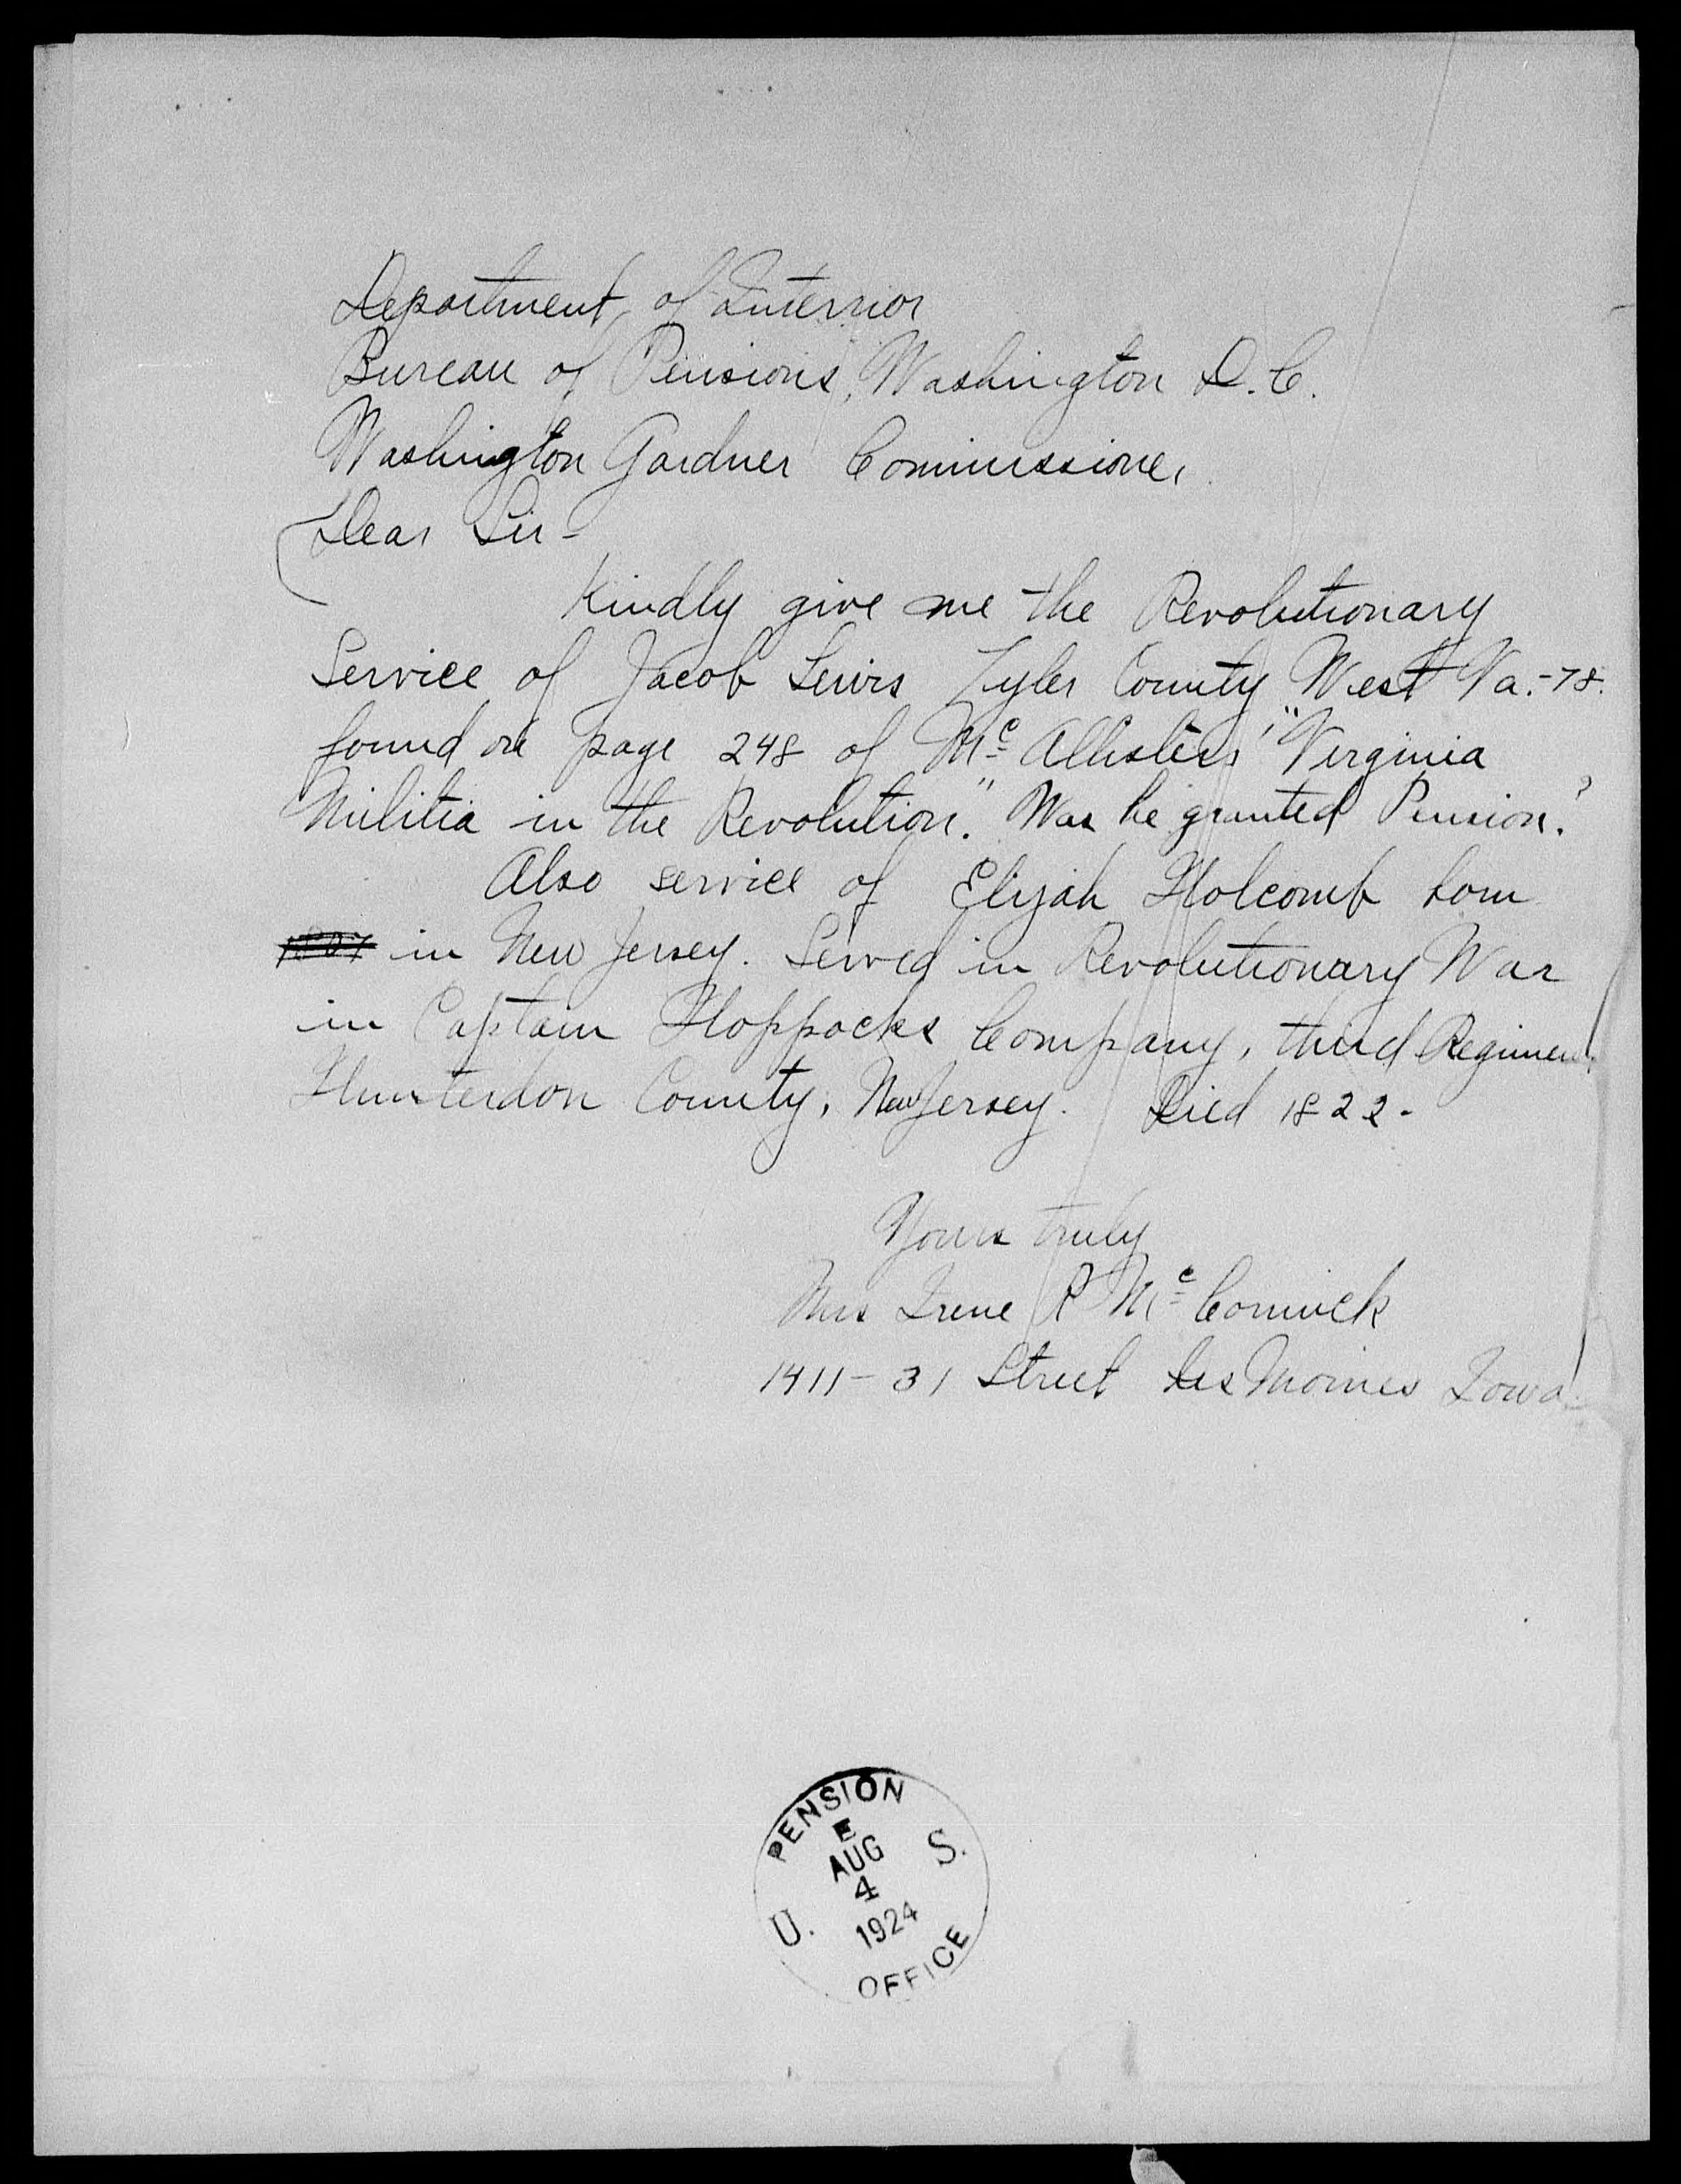Department of Interior
Bureau of Pensions, Washington D.C.
Washington Gardner Commissioner
Dear Sir, Kindly give me the Revolutionary Service of Jacob Lewis Tyler County West Va. -78. found on page 248 of McAllisters "Virginia Militia in the Revolution."  Was he granted Pension?
Also service of Elijah Holcomb born [crossed out: 1807] in New Jersey.  Served in Revolutionary War in Captain Hoppocks Company, third Regiment Hunterdon County, New Jersey.  Died 1822.
Yours truly,
Mrs Irene R McCormick
1411- 31 Street Des Moines Iowa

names: R Mc Cormick; [BLANK] Mc Allister; Jacob Lewis; Elijah Holcomb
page: 33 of 69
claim: widow's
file: W 8044, for Jacob Lewis, Virginia